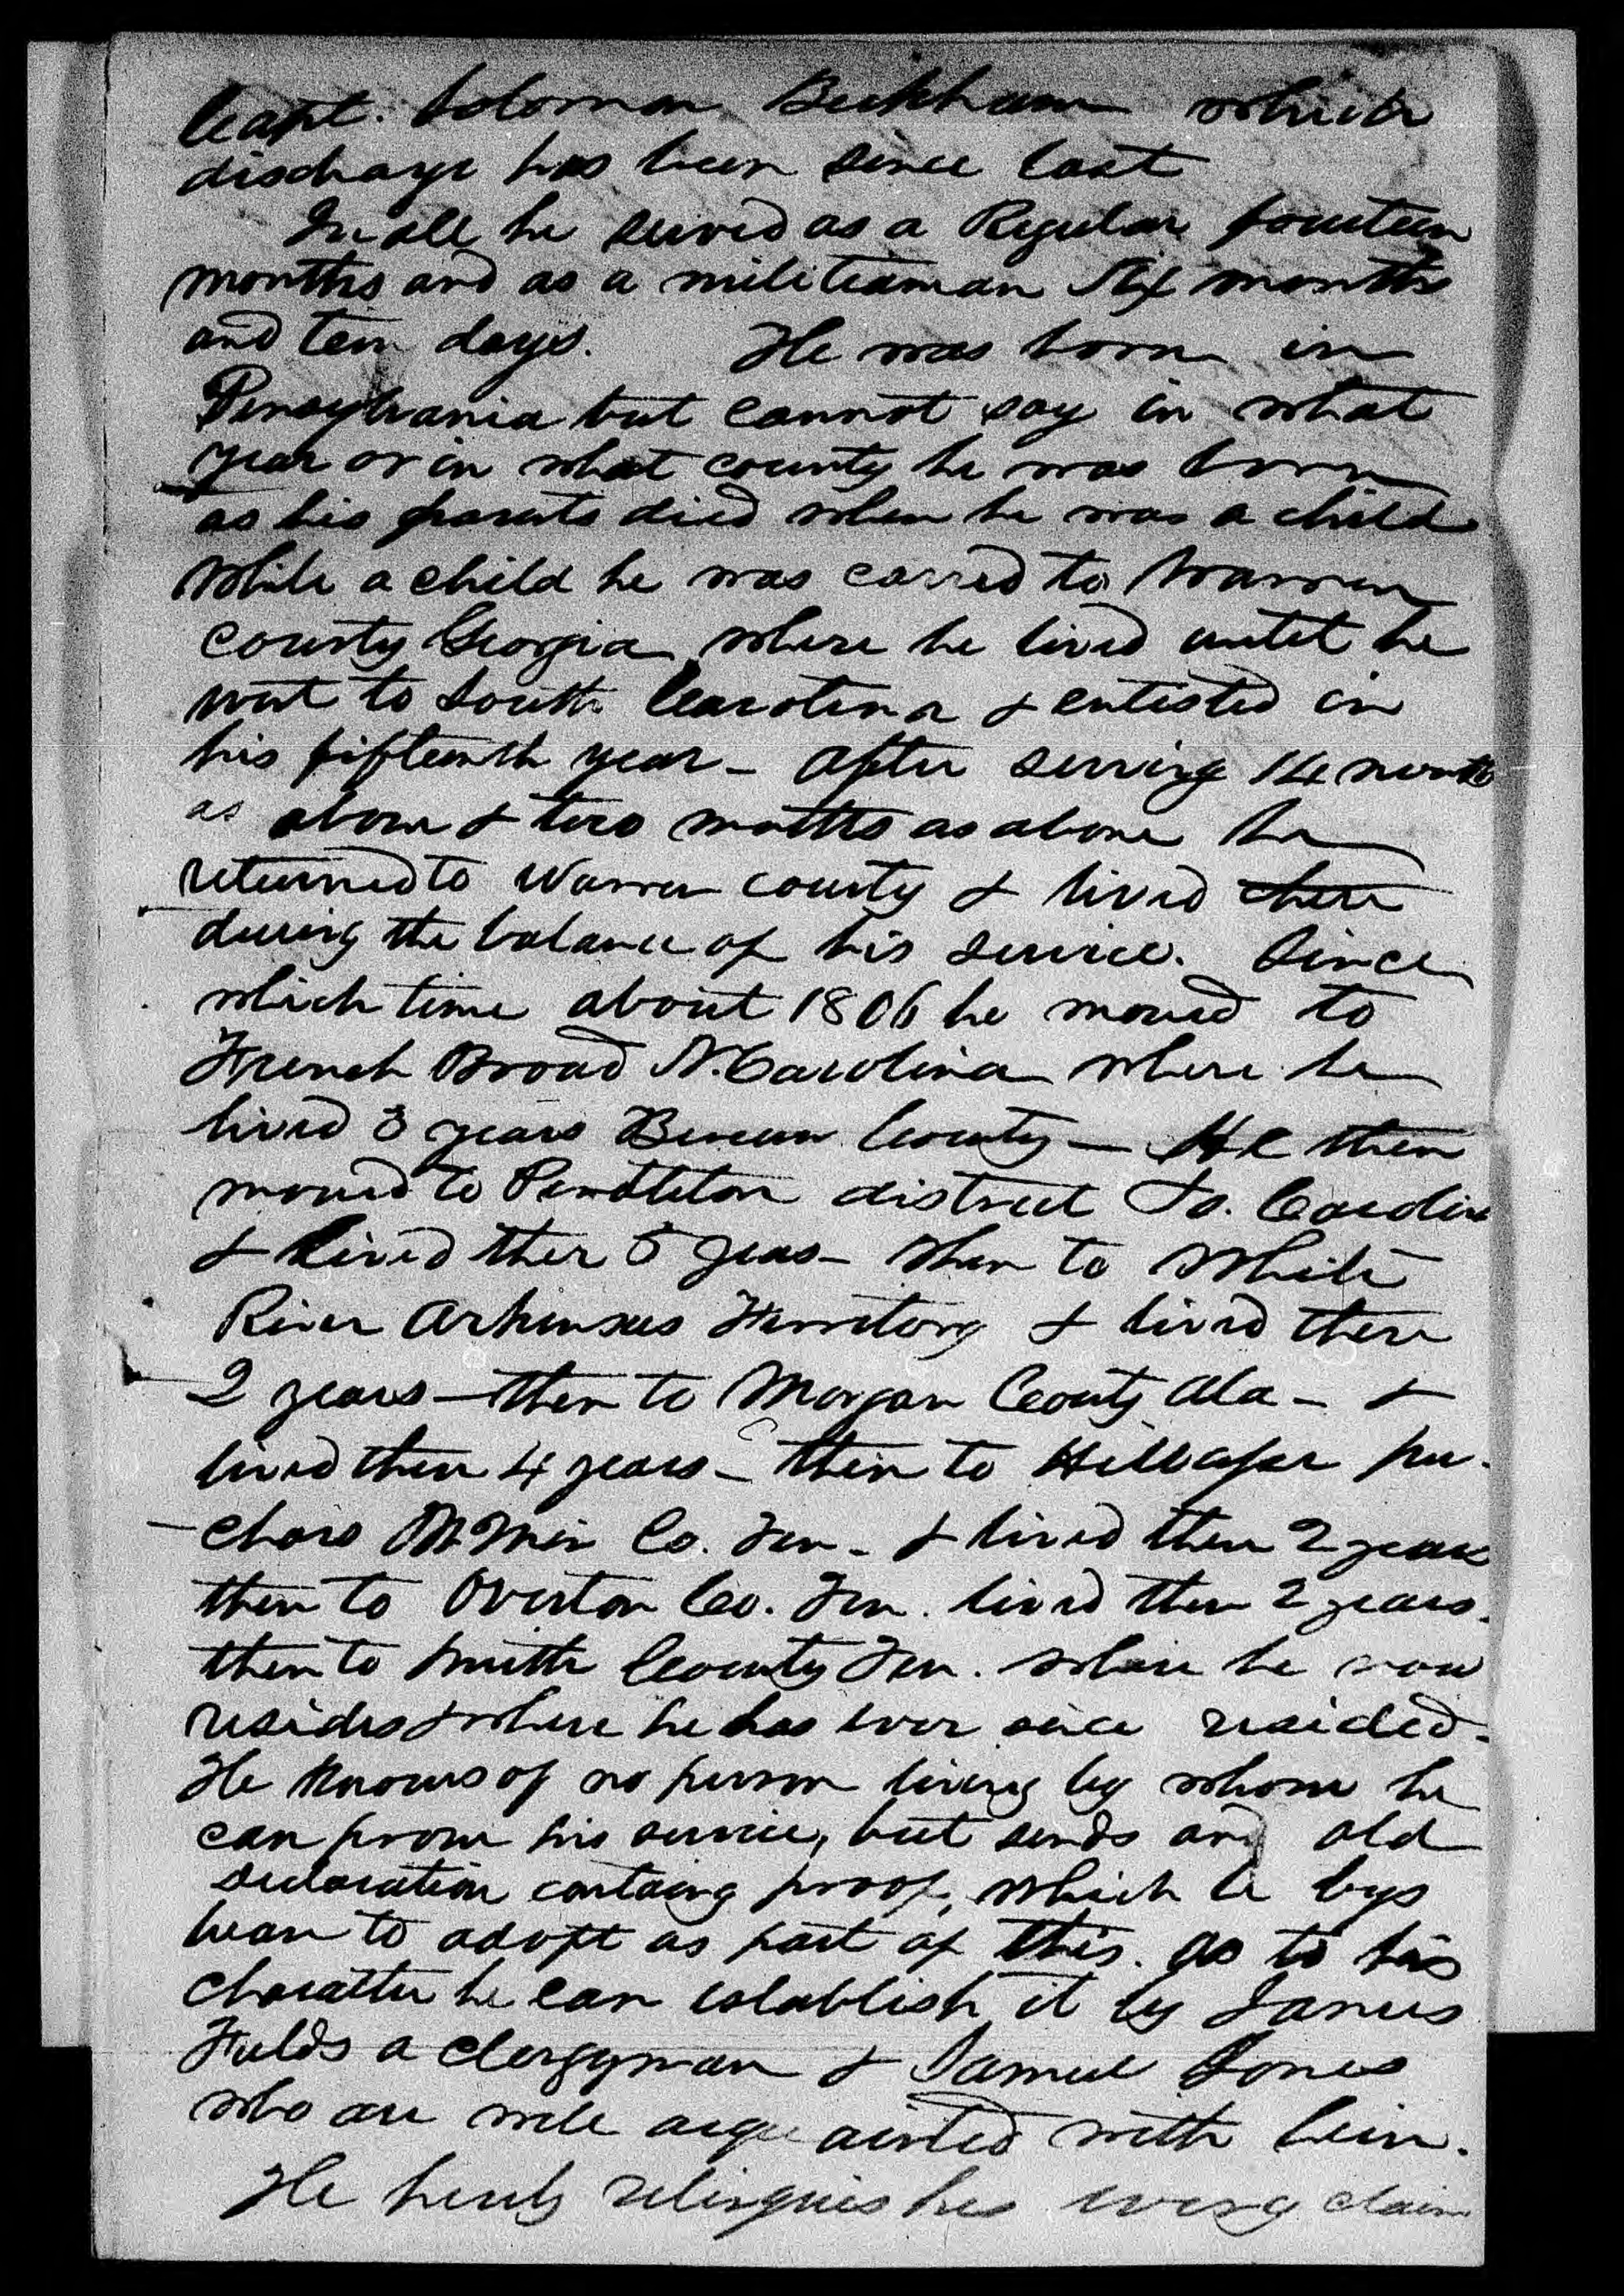Capt. Solomon Bickham which 
discharge has been since lost

In all he served as a regular fourteen 
months and as a militiaman six months 
and ten days.  He was born in 
Pennsylvania but cannot say in what 
year or in what county he was born 
as his parents died when he was a child. 
While a child he was carried to Warren 
County Georgia where he lived until he 
went to South Carolina & enlisted in 
his fifteenth year. After serving 14 months 
as above & two months as above he 
returned to Warren County & lived there 
during the balance of his service.  Since 
which time about 1806 he moved to 
French Broad N. Carolina where he 
lived 3 years Buncum County.  He then 
moved to Pendleton district S. Carolina 
& lived there 5 years-then to White 
River Arkansas Territory & lived there 
2 years-then to Morgan County Ala. & 
lived there 4 years-then to Hiwassee pur
chase McMin Co. Ten & lived there 2 years 
then to Overton Co. Ten. lived there 2 years 
then to Smith County Ten. where he now 
resides & where he has ever since resided. 
He knows of no person living by whom he 
can prove his service, but sends an old 
Declaration containing proof, which he begs 
hear [here] to adopt as part of this. as to his 
character he can establish it by James 
Fields a clergyman & Samuel Jones 
who are well acquainted with him.

He hereby relinquishes his every claim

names: Samul Jones; Solomon Bickham; James Fields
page: 17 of 115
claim: widow's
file: W. 1446, for John Mc Clung, South Carolina